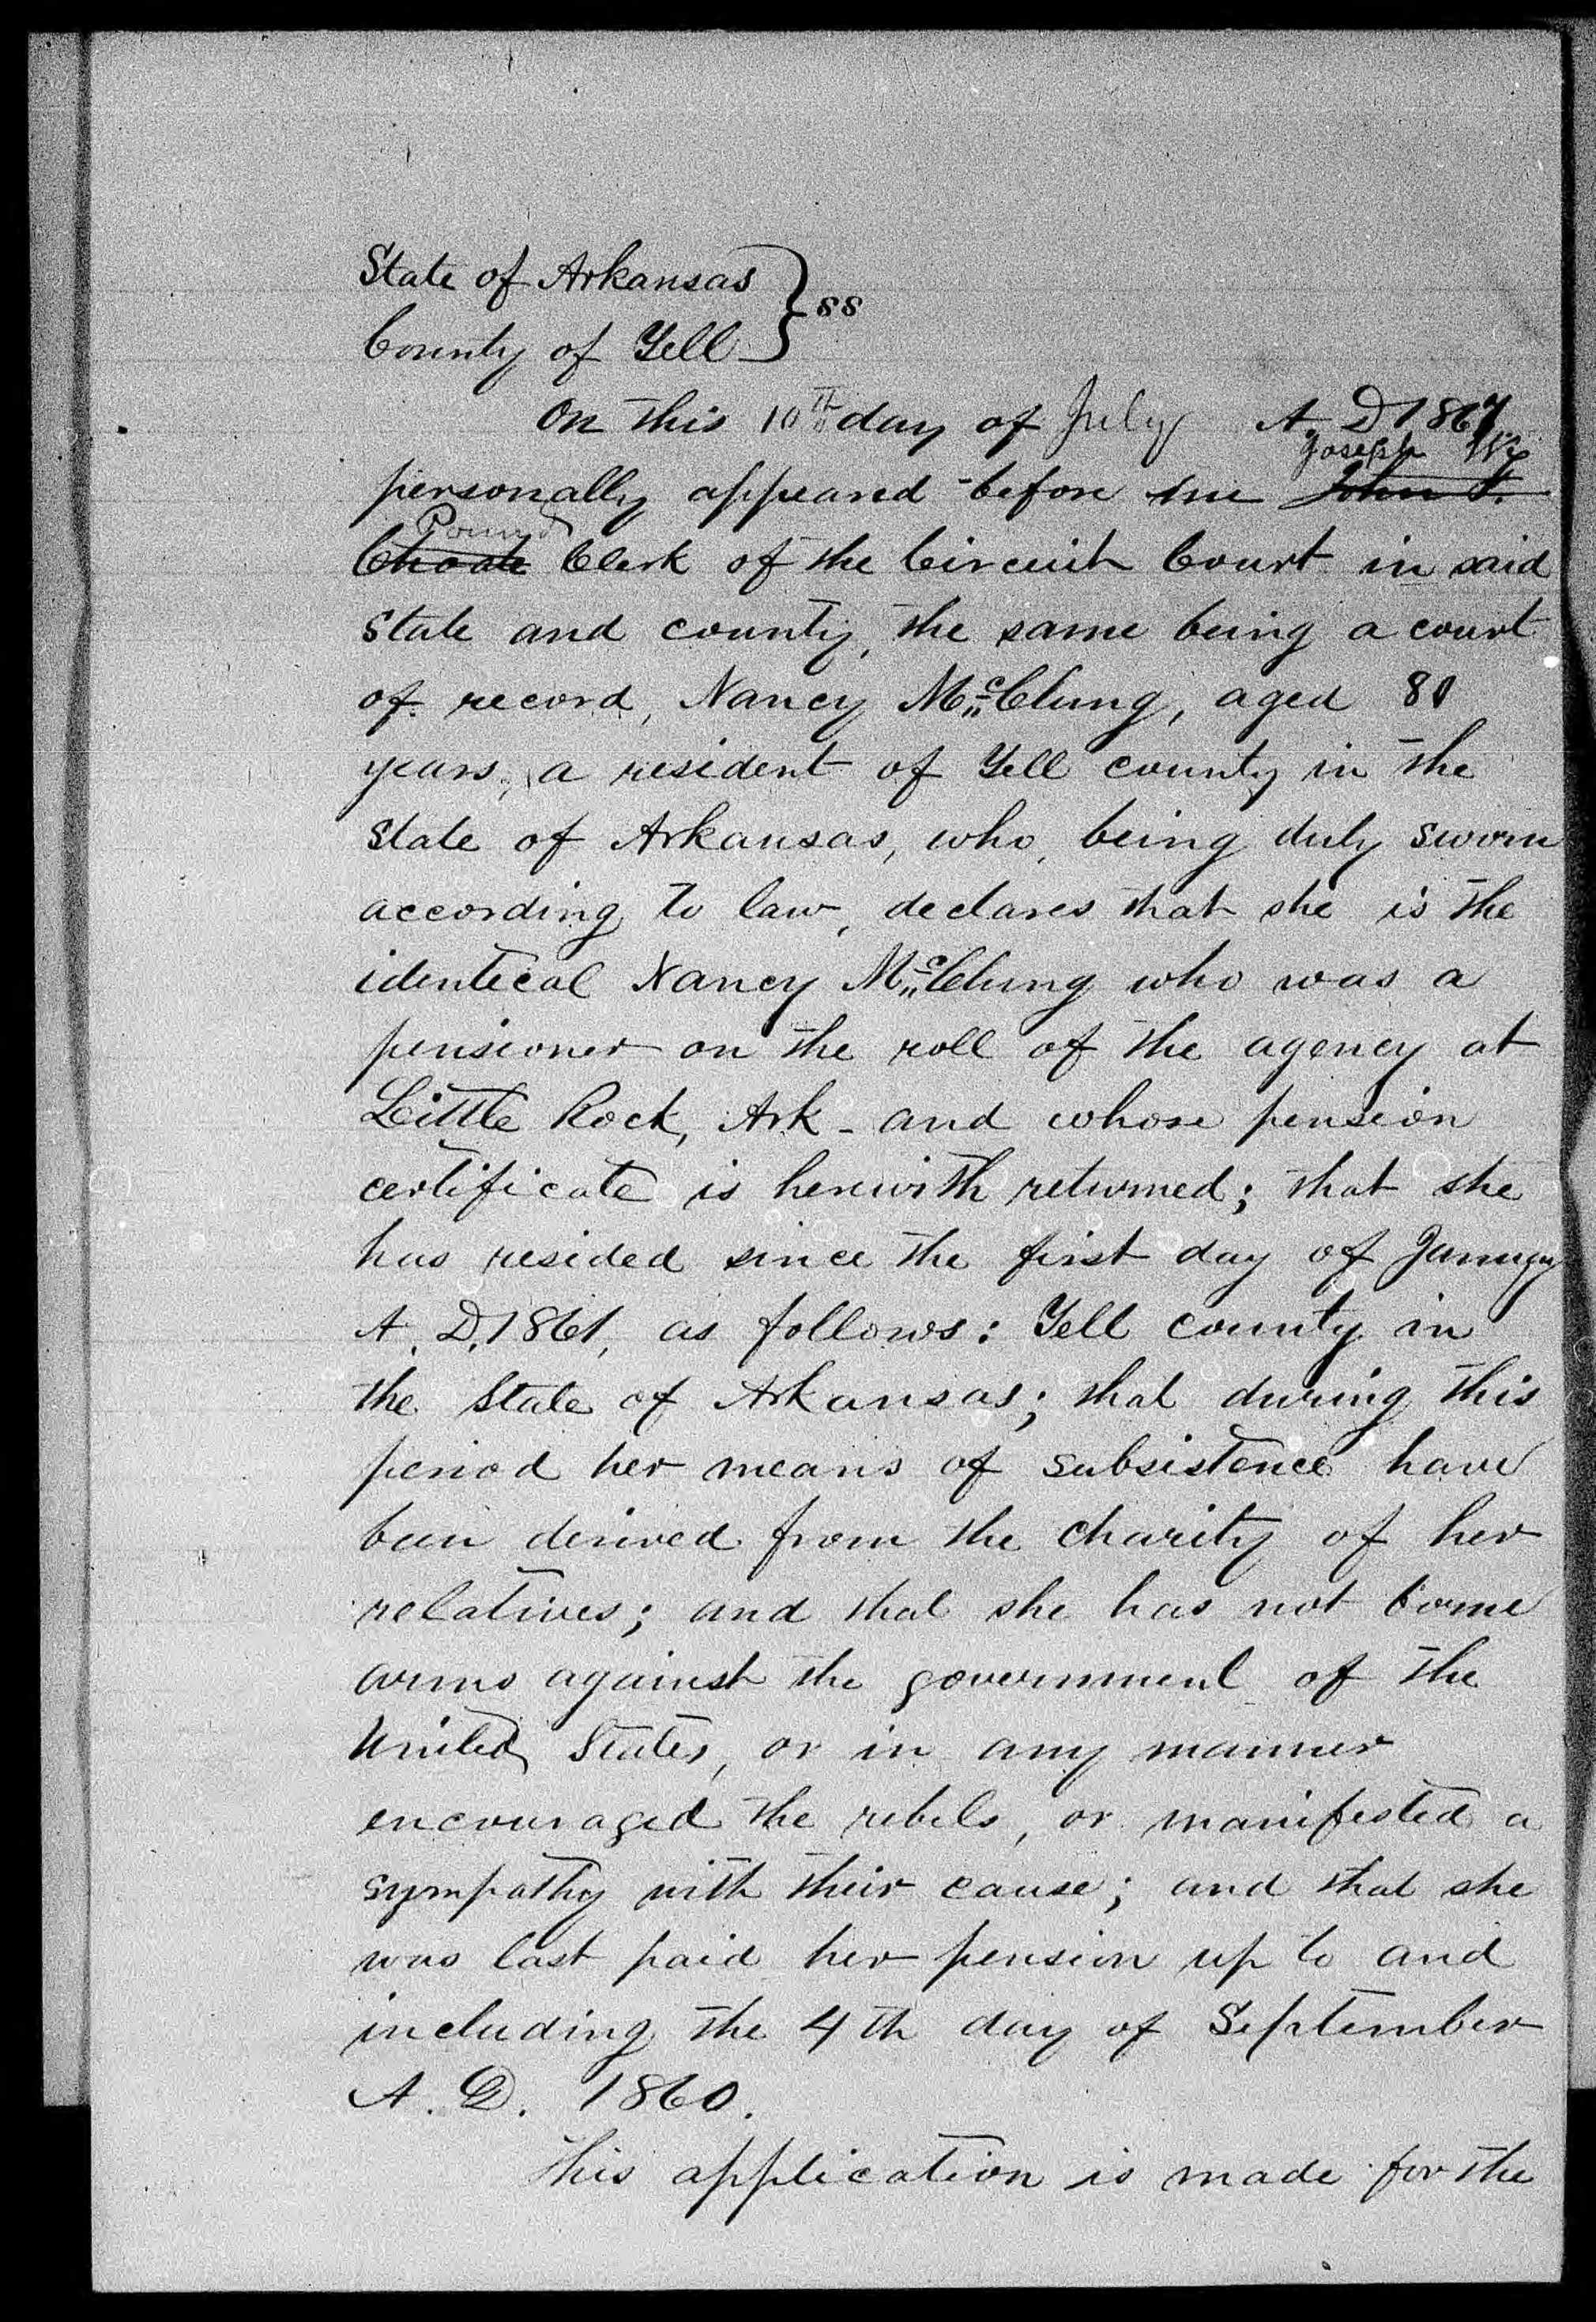State of Arkansas
County of Yell 
On this 10th day of July A.D. 1867 personally appeared before me Joseph W Choate Clerk of the Circuit Court in said State and County the same being a court of record, Nancy McClung, aged 80
years a resident of Yell County in the State of Arkansas, who being duly sworn according to law, declares that she is the identical Nancy McClung who was a pensioner on the roll of the agency at
Little Rock, Ark. and whose pension certificate is herewith returned; that she has resided since the first day of January A.D. 1861, as follows: Yell County in the State of Arkansas; that during this period her means of subsistence have been derived from the charity of her relatives; and that she has not borne 
arms against the government of the United States, or in any manner encouraged the rebels, or manifested a sympathy with their cause; and that she was last paid her pension up to and including the 4th day of September A.D. 1860

This application is made for the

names: Nancy Mc Clung; Joseph [ILLEGIBLE]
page: 113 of 115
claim: widow's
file: W. 1446, for John Mc Clung, South Carolina